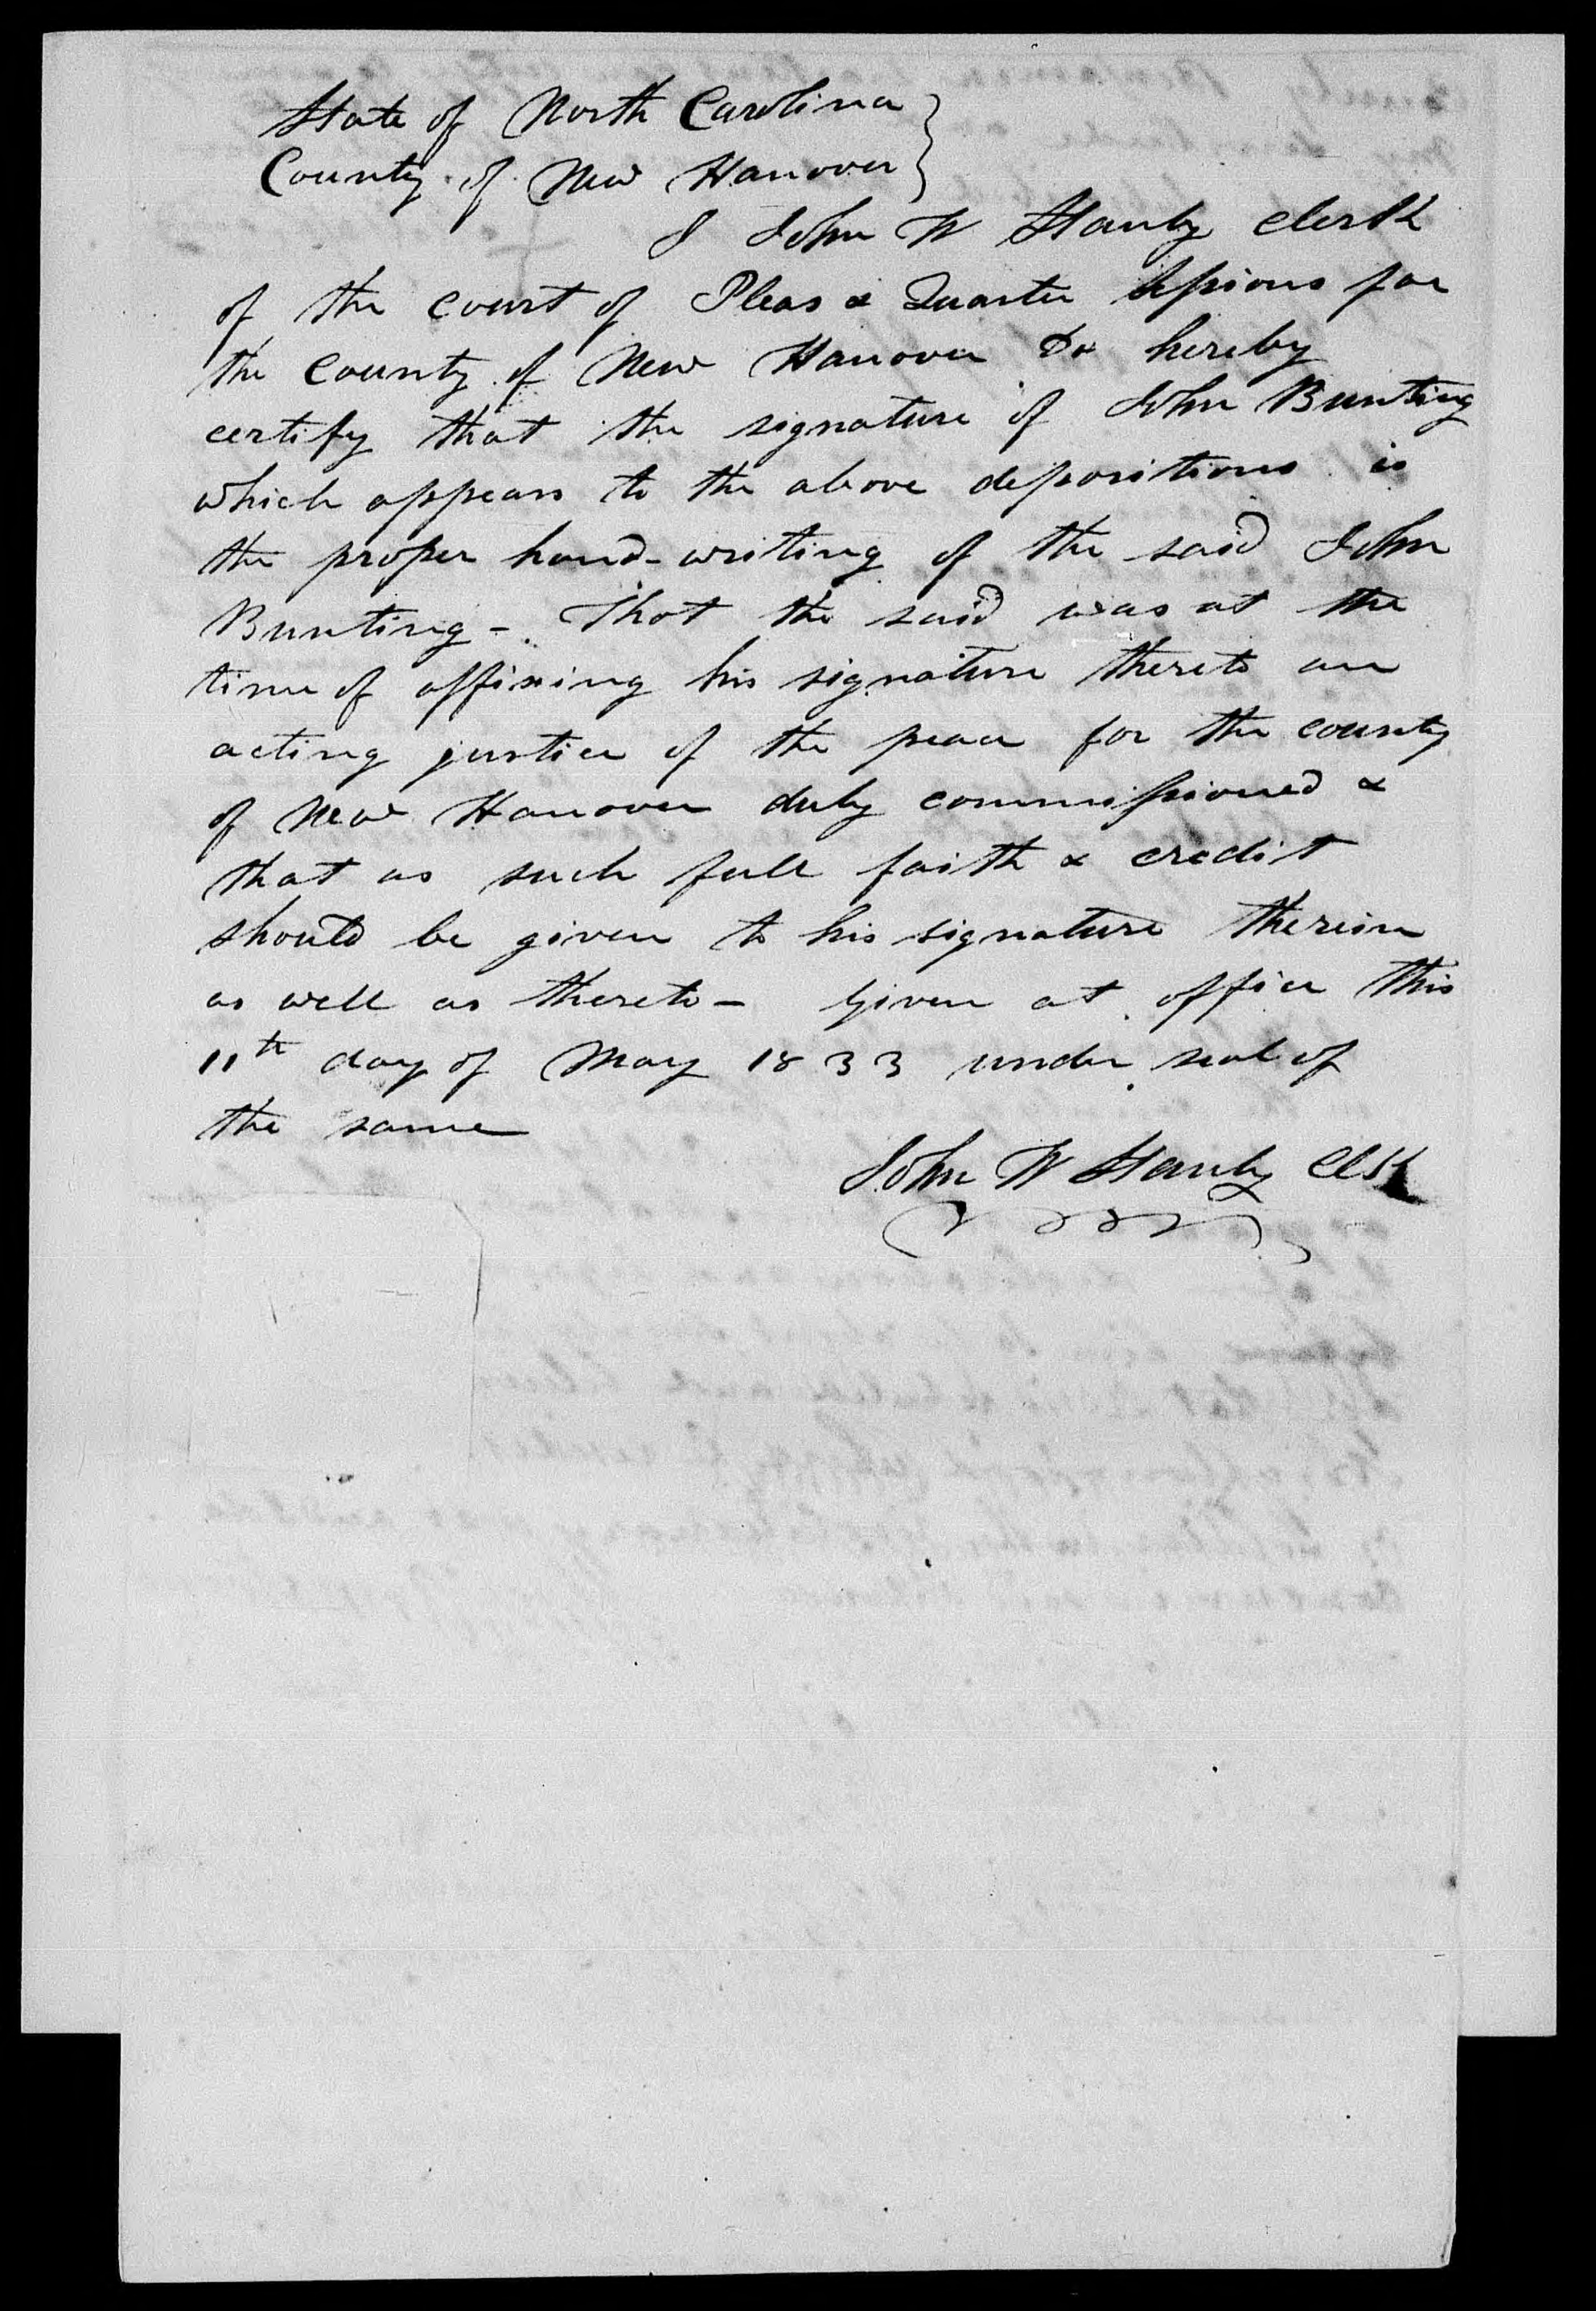State of North Carolina
County of New Hanover
I, John W Hanly, Clerk of the Court of Pleas & Quarter Sessions for the County of New Hanover, do hereby certify that the signature of John Bunting which appears to the above depositions is the proper handwriting of the said John Bunting - That the said was at the time of affixing his signature thereto an acting justice of the peace for the County of New Hanover duly commissioned & that as such full faith & credit should be given to his signature therein as well as thereto. - Given at office this 11th day of May 1833 under seal of the same.
John W. Hanly Clk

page: 8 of 9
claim: survivor's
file: S. 9,399, for James Malpass, North Carolina